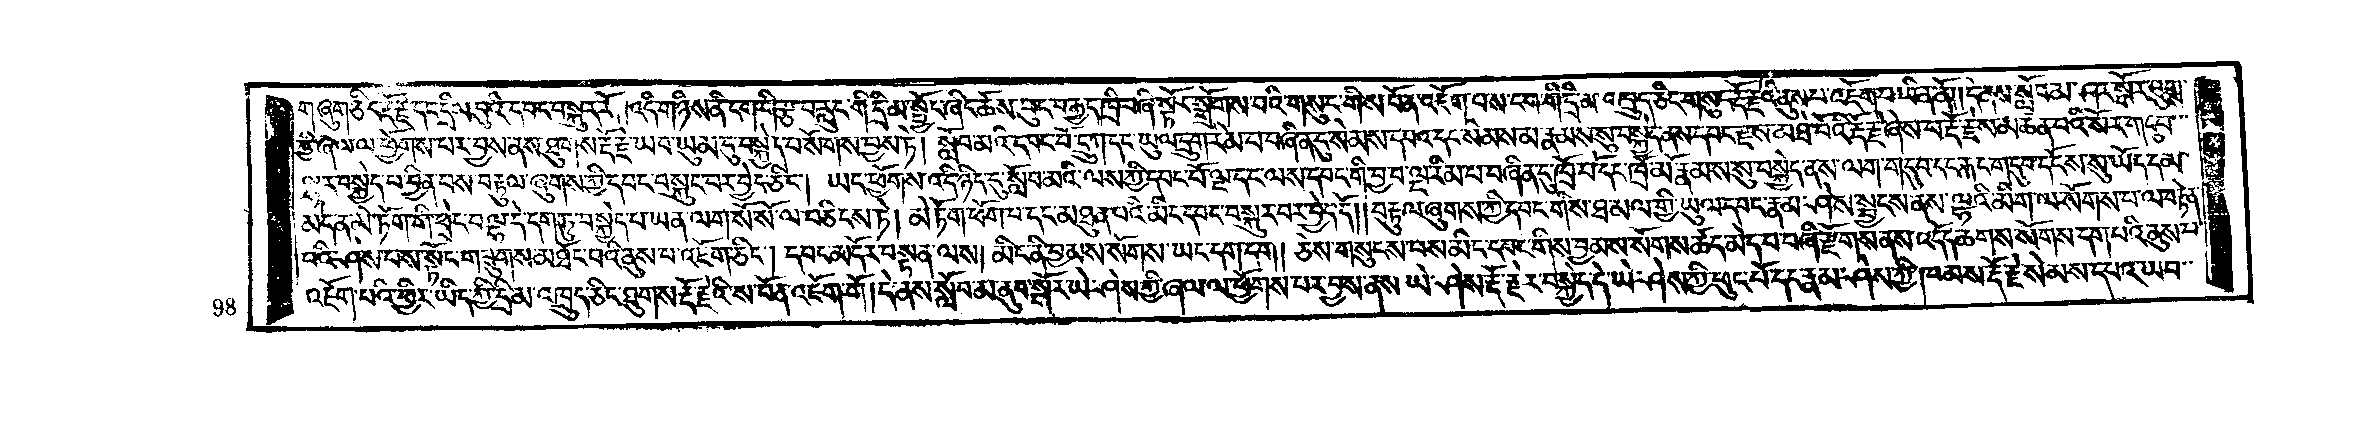གཞུག་ཅིང་རྡོ་རྗེ་དང་དྲིལ་བུའི་དབང་བསྐུར་རོ། །འདི་གཉིས་ནི་ངག་གི་རྩ་བ་རླུང་གི་དྲི་མ་སྦྱོང་ཞིང་ཆོས་ཕུང་བརྒྱད་ཁྲི་བཞི་སྟོང་སྒྲོགས་པའི་གསུང་གི་ས་བོན་འཇོག་པས་ངག་གི་དྲི་མ་འཁྲུད་ཅིང་གསུང་རྡོ་རྗེའི་ནུས་པ་འཇོག་པ་ཡིན་ནོ། །དེ་ནས་སློབ་མ་ཤར་སྒོར་ཐུགས་
ཀྱི་ཞལ་ལ་ཕྱོགས་པར་བྱས་ནས་ཐུགས་རྡོ་རྗེ་ཡབ་ཡུམ་དུ་བསྐྱེད་པ་སོགས་བྱས་ཏེ། སློབ་མའི་དབང་པོ་དྲུག་དང་ཡུལ་དྲུག་རིམ་པ་བཞིན་དུ་སེམས་དཔའ་དང་སེམས་མ་རྣམས་སུ་བསྐྱེད་ནས་དབང་རྫས་མཐེ་བོའི་རྡོ་རྗེ་ཞེས་པ་རྡོ་རྗེས་མཚན་པའི་སོར་གདུབ་
ལྷར་བསྐྱེད་པ་བྱིན་པས་བརྟུལ་ཞུགས་ཀྱི་དབང་བསྐུར་བར་བྱེད་ཅིང་། ཡང་ཕྱོགས་འདི་ཉིད་དུ་སློབ་མའི་ལས་ཀྱི་དབང་པོ་ལྔ་དང་ལས་དབང་གི་བྱ་བ་ལྔ་རིམ་པ་བཞིན་དུ་ཁྲོ་བོ་དང་ཁྲོ་མོ་རྣམས་སུ་བསྐྱེད་ནས་ལག་གདུ་བ་དང་རྐང་གདུ་བ་དངོས་སུ་ཡོད་དམ་
མེད་ན་མེ་ཏོག་གི་ཕྲེང་བ་ལྷ་དེ་དག་ཏུ་བསྐྱེད་པ་ཡན་ལག་སོ་སོ་ལ་བཅིངས་ཏེ། མེ་ཏོག་ཕོག་པ་དང་མཐུན་པའི་མིང་དབང་བསྐུར་བར་བྱེད་དོ། །བརྟུལ་ཞུགས་ཀྱི་དབང་གིས་ཐ་མལ་གྱི་ཡུལ་དབང་རྣམ་ཤེས་སྦྱངས་ནས་ལྷའི་མིག་ལ་སོགས་པ་ལ་བརྟེན་
པའི་ཤེས་པས་སྟོང་གཟུགས་མཐོང་བའི་ནུས་པ་འཇོག་ཅིང་། དབང་མདོར་བསྟན་ལས། མིང་ནི་བྱམས་སོགས་ཡང་དག་དག །ཅེས་གསུངས་པས་མིང་དབང་གིས་བྱམས་སོགས་ཚད་མེད་པ་བཞི་རྫོགས་ནས་འདོད་ཆགས་སོགས་དག་པའི་ནུས་པ་
འཇོག་པའི་ཕྱིར་ཡིད་ཀྱི་དྲི་མ་འཁྲུད་ཅིང་ཐུགས་རྡོ་རྗེའི་ས་བོན་འཇོག་གོ །དེ་ནས་སློབ་མ་ནུབ་སྒོར་ཡེ་ཤེས་ཀྱི་ཞལ་ལ་ཕྱོགས་པར་བྱས་ནས་ཡེ་ཤེས་རྡོ་རྗེར་བསྐྱེད་དེ་ཡེ་ཤེས་ཀྱི་ཕུང་པོ་དང་རྣམ་ཤེས་ཀྱི་ཁམས་རྡོ་རྗེ་སེམས་དཔའ་ཡབ་